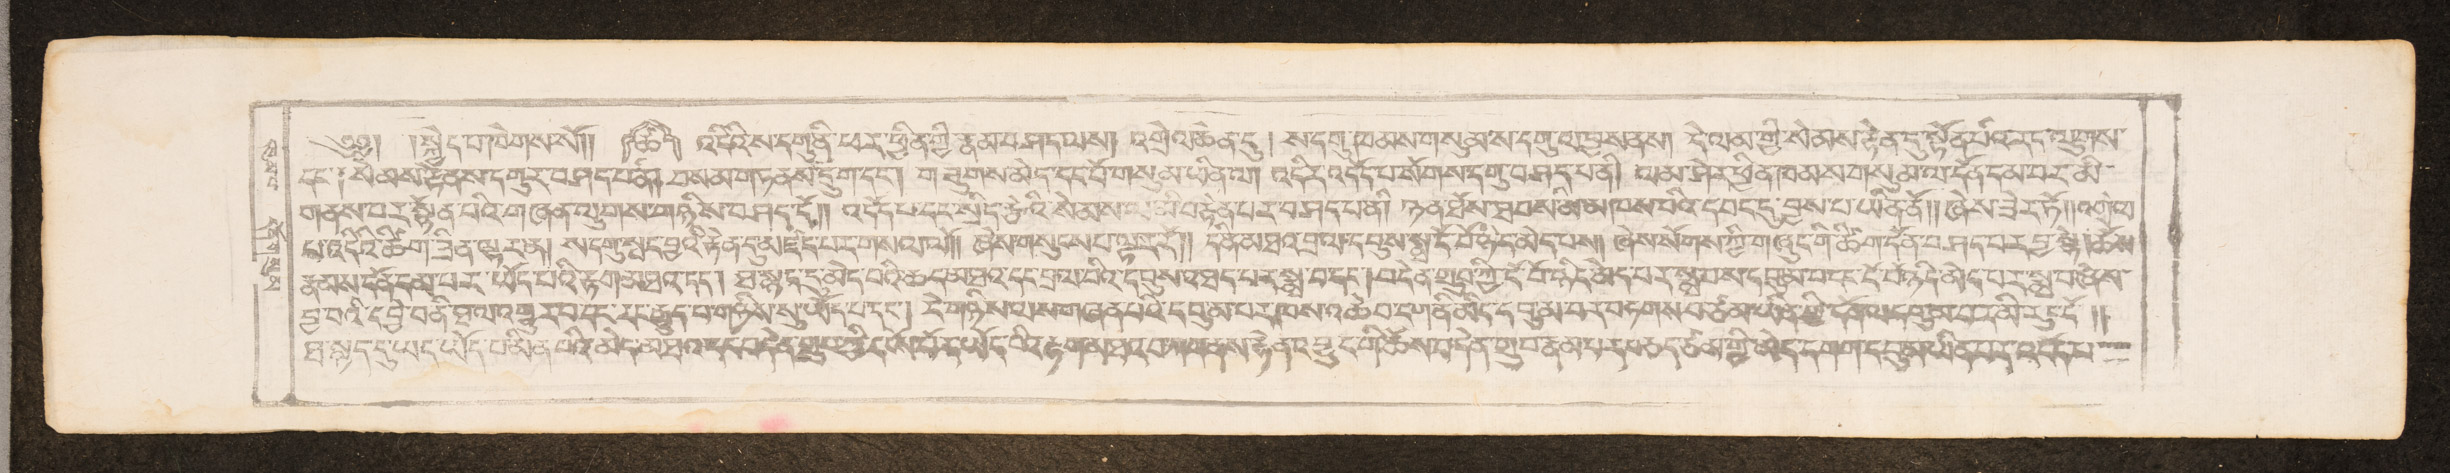༄༅། །སྐྱེད་པ་ཁེགས་སོ།། ༼༽ཚ༼༽ འདིའི་ས་དགུ་ནི་ཕར་ཕྱིན་གྱི་རྣམས་བཤད་ལས། འགྲེལ་ཆེན་དུ། ས་དགུ་ཁམས་གསུམ་ས་དགུ་ལ་བྱས་ནས། དེ་ལམ་གྱི་སེམས་རྟེན་དུ་སྟོན་པའི་རང་ལུགས་
དང༑ སེམས་རྟེན་ས་དགུར་བཤད་པ་ནི། བསམ་གཏན་ས་དྲུག་དང་། གཟུགས་མེད་དང་པོ་གསུམ་ཡིན་ལ། འདིར་འདོད་པ་སོགས་དགུ་བཤད་པ་ནི། ལམ་ཤེར་ཕྱིན་ཁམས་གསུམ་ལ་དོན་དམ་པར་མི་
གནས་པར་སྟོན་པའི་གཞན་ལུགས་གཉིས་བཤད་དོ།། འདོད་པ་དང་སྲིད་རྩེའི་སེམས་ལ་མི་བརྟེན་པར་བཤད་པ་ནི། ཉན་ཐོས་ཐབས་མི་མཁས་པའི་དབང་དུ་བྱས་པ་ཡིན་ནོ། ཞེས་ཟེར་ཏེ། །འགྲེལ་
པ་འདིའི་ཚིག་ཟིན་ལྟར་ན། ས་དགུ་སྤང་བྱའི་རྟེན་དུ་མཛད་པར་གསལ་ལོ།། ཞེས་གསུངས་པ་ལྟར་རོ། ད་ནི་མཐའ་བྲལ་དབུས་སྨྲ་དོ་བོ་ཉིད་མེད་པས། ཞེས་སོགས་ཀྱི་གཞུང་གི་ཚིག་དོན་བཤད་པར་བྱ་སྟེ། ཆོས་
རྣམས་དོན་དམ་པར་ཡོད་པའི་རྟག་མཐའ་དང་། ཐ་སྙད་དུ་མེད་པའི་ཆད་མཐའ་དང་བྲལ་བའི་དབུས་འཐད་པར་སྨྲ་བ་དང་། བདེན་གྲུབ་ཀྱི་ངོ་བོ་ཉིད་མེད་པར་སྨྲ་བས་དབུ་མ་པ་དང་ངོ་བོ་ཉིད་མེད་པར་སྨྲ་བ་ཞེས་
བྱ་བའི་དབྱེ་བ་ནི་ཐལ་འགྱུར་བ་དང་རང་རྒྱུད་པ་གཉིས་སུ་ཡོད་པ་དང་། དེ་གཉིས་ལས་གཞན་པའི་དབུ་མ་པར་ཁས་འཆེ་བ་དག་ནི་མིང་དབུ་མ་བར་བཏགས་པ་ཙམ་ཡིན་གྱི་དོན་ལ་དབུ་མ་པར་མི་རུང་དོ།།
ཐ་སྙད་དུ་ཡང་ཡོད་པ་མིན་པའི་མེད་མཐའ་དང་བདེན་གྲུབ་ཀྱི་དངོས་པོར་ཡོད་པའི་རྟག་མཐའ་བཀག་ནས་རྟེན་འབྱུང་གི་ཆོས་བདེན་གྲུབ་རྣམ་པར་བཅད་ཙམ་གྱི་མེད་དགག་དབུ་མ་ཡིན་པར་འདོད་པ་